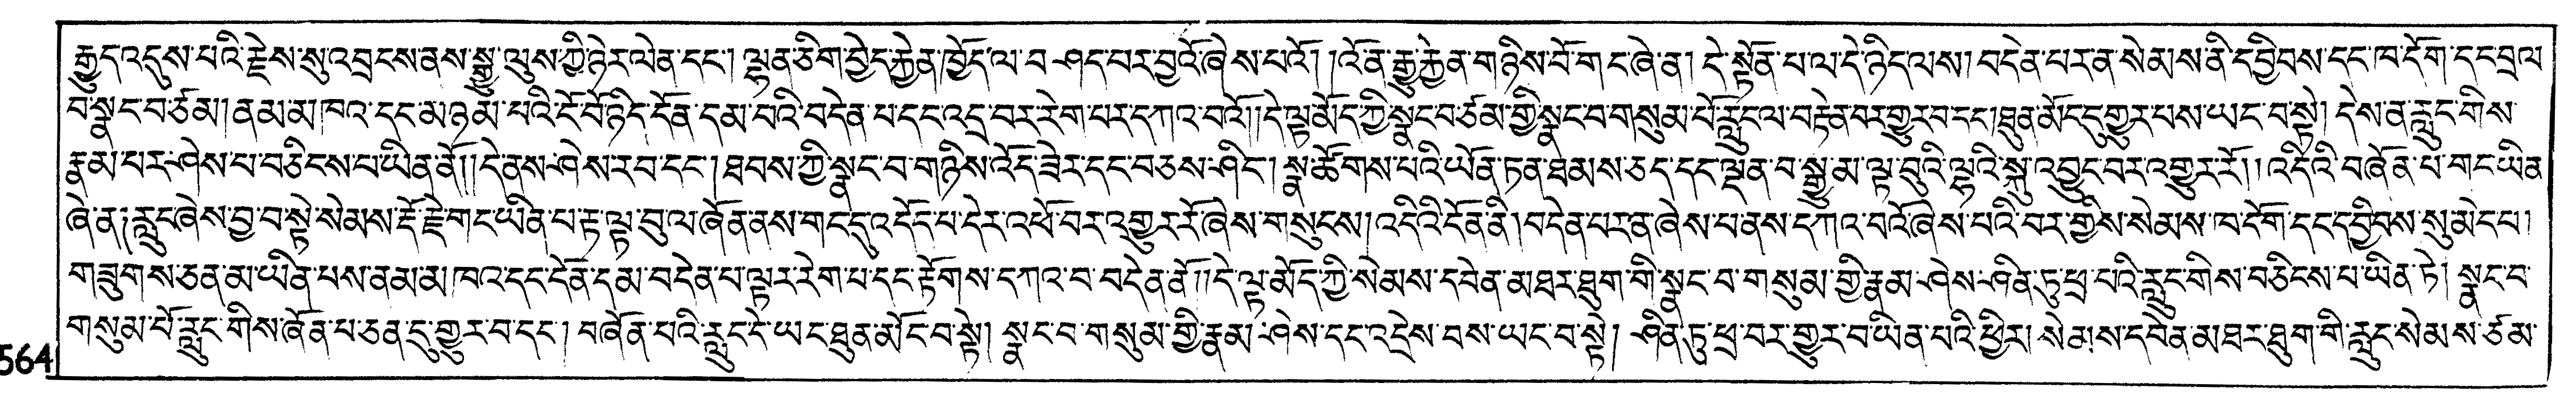རྒྱུད་འདུས་པའི་རྗེས་སུ་འབྲངས་ནས་སྒྱུ་ལུས་ཀྱི་ཉེར་ལེན་དང་། ལྷན་ཅིག་བྱེད་རྐྱེན་ཁྱོད་ལ་བཤད་པར་བྱའོ་ཞེས་པའོ། །འོ་ན་རྒྱུ་རྐྱེན་གཉིས་པོ་གང་ཞེ་ན། དེ་སྟོན་པ་ལ་དེ་ཉིད་ལས། བདེན་པར་ན་སེམས་ནི་དབྱིབས་དང་ཁ་དོག་དང་བྲལ་
བ་སྣང་བ་ཙམ། ནམ་མཁའ་དང་མཉམ་པའི་ངོ་བོ་ཉིད་དོན་དམ་པའི་བདེན་པ་དང་འདྲ་བར་རེག་པར་དཀའ་བའོ། །དེ་ལྟ་མོད་ཀྱི་སྣང་བ་ཙམ་གྱི་སྣང་བ་གསུམ་པོ་རླུང་ལ་བརྟེན་བར་གྱུར་བ་དང་། ཐུན་མོང་དུ་གྱུར་པས་ཡང་བ་སྟེ། དེས་ན་རླུང་གིས་
རྣམ་པར་ཤེས་པ་བཅིངས་པ་ཡིན་ནོ། །དེ་ནས་ཤེས་རབ་དང་། ཐབས་ཀྱི་སྣང་བ་གཉིས་འོད་ཟེར་དང་བཅས་ཤིང་། སྣ་ཚོགས་པའི་ཡོན་ཏན་ཐམས་ཅད་དང་ལྡན་བ་སྒྱུ་མ་ལྟ་བུའི་ལྷའི་སྐུ་འབྱུང་བར་འགྱུར་རོ། །འདིའི་བཞོན་པ་གང་ཡིན་
ཞེ་ན༑ རླུང་ཞེས་བྱ་བ་སྟེ་སེམས་རྡོ་རྗེ་གང་ཡིན་པ་རྟ་ལྟ་བུ་ལ་ཞོན་ནས་གང་དུ་འདོད་པ་དེར་འཕོ་བར་འགྱུར་རོ་ཞེས་གསུངས། འདིའི་དོན་ནི། བདེན་པར་ན་ཞེས་པ་ནས་དཀའ་བའོ་ཞེས་པའི་བར་གྱིས་སེམས་ཁ་དོག་དང་དབྱིབས་སུ་མེད་པ།
གཟུགས་ཅན་མ་ཡིན་པས་ནམ་མཁའ་དང་དོན་དམ་བདེན་པ་ལྟར་རེག་པ་དང་རྟོགས་དཀའ་བ་བདེན་ནོ། །དེ་ལྟ་མོད་ཀྱི་སེམས་དབེན་མཐར་ཐུག་གི་སྣང་བ་གསུམ་གྱི་རྣམ་ཤེས་ཤིན་ཏུ་ཕྲ་བའི་རླུང་གིས་བཅིངས་པ་ཡིན་ཏེ། སྣང་བ་
གསུམ་པོ་རླུང་གིས་ཞོན་པ་ཅན་དུ་གྱུར་བ་དང་། བཞོན་པའི་རླུང་དེ་ཡང་ཐུན་མོང་བ་སྟེ། སྣང་བ་གསུམ་གྱི་རྣམ་ཤེས་དང་འདྲེས་བས་ཡང་བ་སྟེ། ཤིན་ཏུ་ཕྲ་བར་གྱུར་བ་ཡིན་པའི་ཕྱིར། སེམས་དབེན་མཐར་ཐུག་གི་རླུང་སེམས་ཙམ་